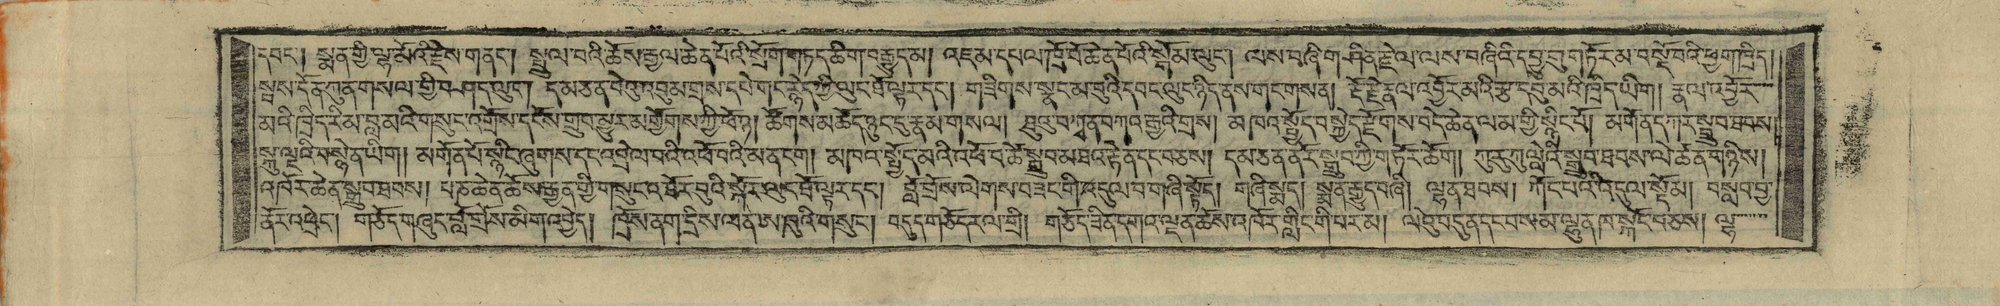དབང་། སྨན་གྱི་ལྷ་མོའི་རྗེས་གནང་། སྤྲུལ་བའི་ཆོས་རྒྱལ་ཆེན་པོའི་སྲོག་གཏད་ཆིག་བརྒྱུད་མ། འཇམ་དཔལ་ཁྲོ་བོ་ཆེན་པོའི་སྒོམ་ལུང་། ལས་བཞི་གཤིན་རྗེ་ལ་ལས་བཞིའི་དབྱུ་གུ་གཏོར་མ་བསྔོ་བའི་ཕྱག་ཁྲིད།
སྦས་དོན་ཀུན་གསལ་གྱི་བཤད་ལུང་། དམ་ཅན་བེའུ་འབུམ་གྲས་དཔེ་གང་རྙེད་ཀྱི་ལུང་ཐོ་ལྟར་དང་། གཟིགས་སྣང་མ་བུའི་དབང་ལུང་ཉིད་ནས་གང་གསན། རྡོ་རྗེ་རྣལ་འབྱོར་མའི་རྩ་དབུ་མའི་ཁྲིད་ཡིག །རྣལ་འབྱོར་
མའི་ཁྲིད་རིམ་བླ་མའི་གསུང་འགྲོས་དངོས་གྲུབ་མྱུར་མགྱོགས་ཀྱི་ཕོ་ཉ། ཚོགས་མཆོད་ཉུང་ངུ་རྣམ་གསལ། ཐུའུ་བཀྭན་བཀའ་རྒྱའི་གྲས། མཁའ་སྤྱོད་བསྐྱེད་རྫོགས་བདེ་ཆེན་ལམ་གྱི་སྙིང་པོ། མགོན་དཀར་སྒྲུབ་ཐབས།
སྐུ་ལྔའི་བསྙེན་ཡིག །མགོན་པོ་སྙིང་ཞུགས་དང་འབྲེལ་བའི་འཕོ་བའི་མན་ངག །མཁའ་སྤྱོད་མའི་འཕོ་བ་ཚེ་སྒྲུབ་མཐའ་རྟེན་དང་བཅས། དམ་ཅན་ནོར་སྒྲུབ་ཀྱི་གཏོར་ཆོག །ཀུ་རུ་ཀུ་ལླེའི་སྒྲུབ་ཐབས་ལེ་ཚན་གཉིས།
འཁོར་ཆེན་སྒྲུབ་ཐབས། པཎ་ཆེན་ཆོས་རྒྱན་གྱི་གསུང་འཐོར་བུའི་སྐོར་ལུང་ཐོ་ལྟར་དང་། བློ་གྲོས་ལེགས་བཟང་གི་འདུལ་བ་གཞི་སྟོད། གཞི་སྨད། སྨན་རྒྱུད་བཞི། ལྷན་ཐབས། ཀོང་པའི་འདུལ་སྡོམ། བསླབ་བྱ་
ནོར་འཕྲེང་། གཅོད་གཞུང་བློ་གྲོས་མིག་འབྱེད། ཁྲོས་ནག་དྲིས་ལན་ཨ་ཁུའི་གསུང་། བདུད་གཅོད་རལ་གྲི། གཅོད་ཟིན་དགའ་ལྡན་ཆོས་འཁོར་གླིང་གི་པར་མ། ལེའུ་བདུན་དང་བསམ་ལྷུན་ཁ་སྐོང་བཅས། ལྷ་